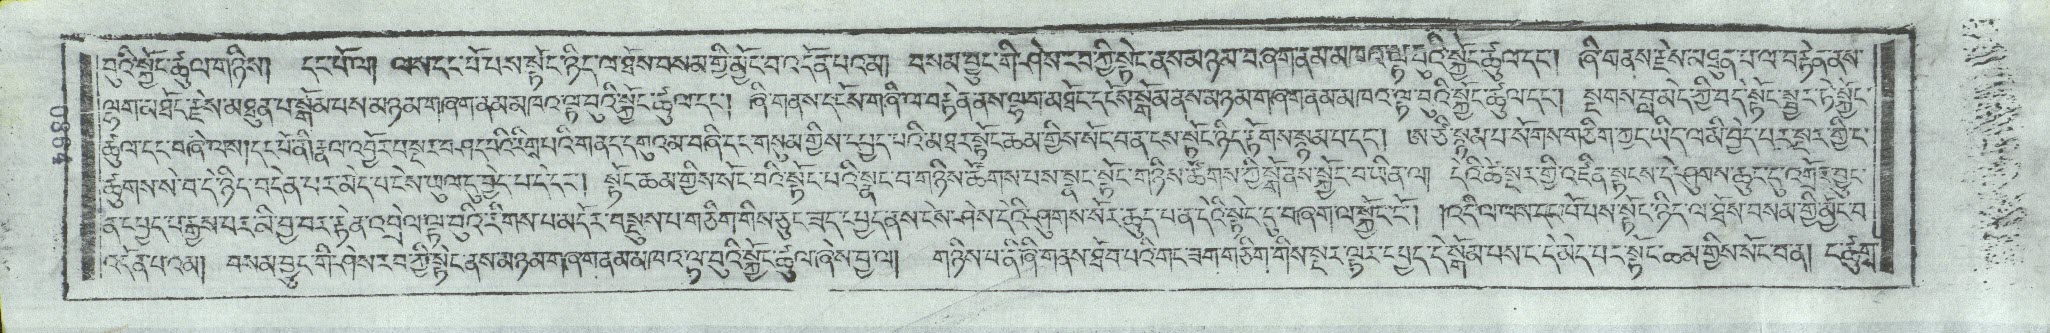བུའི་སྐྱོང་ཚུལ་གཉིས། དང་པོ་ལ། ལས་དང་པོ་བས་སྟོང་ཉིད་ལ་ཐོས་བསམ་གྱི་མྱོང་བ་འདོན་པའམ། བསམ་བྱུང་གི་ཤེས་རབ་ཀྱི་སྟེང་ནས་མཉམ་བཞག་ནམ་མཁའ་ལྟ་བུའི་སྐྱོང་ཚུལ་དང་། ཞི་གནས་རྗེས་མཐུན་པ་ལ་བརྟེན་ནས་
ལྷག་མཐོང་རྗེས་མཐུན་པ་སྒོམ་པས་མཉམ་གཞག་ནམ་མཁའ་ལྟ་བུའི་སྐྱོང་ཚུལ་དང་། ཞི་གནས་དངོས་གཞི་ལ་བརྟེན་ནས་ལྷག་མཐོང་དངོས་སྒོམ་ནས་མཉམ་གཞག་ནམ་མཁའ་ལྟ་བུའི་སྐྱོང་ཚུལ་དང་། སྔགས་བླ་མེད་ཀྱི་བདེ་སྟོང་སྦྱར་ཏེ་སྐྱོང་
ཚུལ་དང་བཞི་ལས། དང་པོ་ནི། རྣལ་འབྱོར་པ་སྔར་བཤད་པའི་རིགས་པའི་གནད་དགུའམ་བཞི་དང་གསུམ་གྱིས་དཔྱད་པའི་མཐར་སྟོང་ཆམ་གྱིས་སོང་བ་ན་ངས་སྟོང་ཉིད་རྟོགས་སྙམ་པ་དང་། ཨ་ཙི་སྙམ་པ་སོགས་གཅིག་ཀྱང་ཡིད་ལ་མི་བྱེད་པར་སྔར་ཀྱི་ང་
ཚུགས་སེ་བྲ་དེ་ཉིད་འཛིན་པར་མེད་པ་ངེས་ཡུལ་དུ་བྱེད་པ་དེ་དང་། སྟོང་ཆམ་གྱིས་སོང་བའི་སྟོང་པའི་སྣང་བ་གཉིས་ཚོགས་པས་སྣང་སྟོང་གཉིས་ཚོགས་ཀྱི་སྒོ་ནས་སྐྱོང་བ་ཡིན་ལ། དེའི་ཚེ་སྔར་གྱི་འཛིན་སྟངས་དེ་ཤུགས་ཆུང་དུ་འགྲོར་བྱུང་
ན་དཔྱད་པ་རྒྱས་པར་མི་བྱ་བར་རྟེན་འབྲེལ་ལྟ་བུའི་རིགས་པ་མདོར་བསྡུས་པ་གཅིག་གིས་ཅུང་ཟད་དཔྱད་ནས་ངེས་ཤེས་དེའི་ཤུགས་སོར་ཆུད་པ་ན་དེའི་སྟེང་དུ་བཞག་ལ་སྐྱོང་ངོ། །འདི་ལ་ལས་དང་པོ་པས་སྟོང་ཉིད་ལ་ཐོས་བསམ་གྱི་མྱོང་བ་
འདོན་པའམ། བསམ་བྱུང་གི་ཤེས་རབ་ཀྱི་སྟེང་ནས་མཉམ་གཞག་ནམ་མཁའ་ལྟ་བུའི་སྐྱོང་ཚུལ་ཞེས་བྱ་ལ། གཉིས་པ་ནི་ཞི་གནས་ཐོབ་པའི་གང་ཟག་གཅིག་གིས་སྔར་ལྟར་དཔྱད་དེ་སྒོམ་བས་ང་དེ་མེད་པར་སྟོང་ཆམ་གྱིས་སོང་བ་ན། ང་ཚུགས་